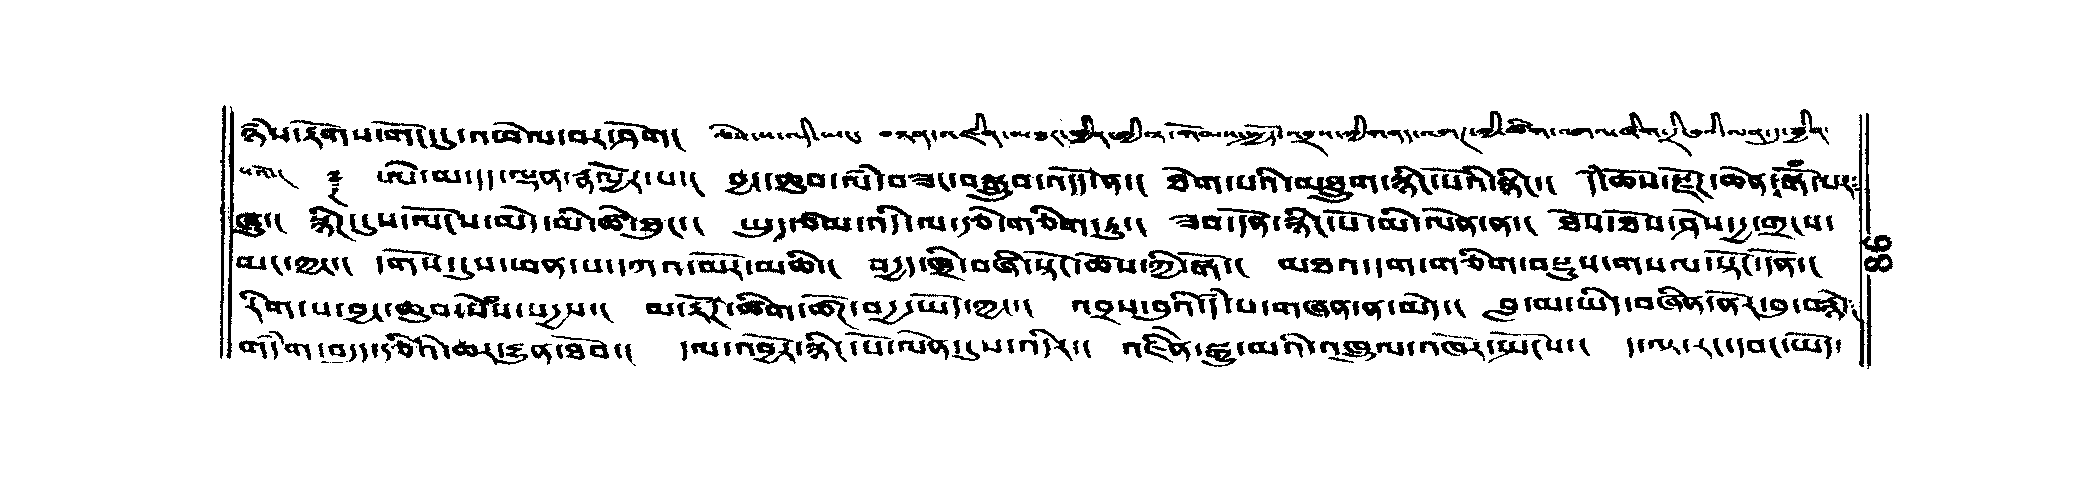ཉམས་རྟོགས་གོང་དུ་འཕེལ་བར་ཤོག །ཅེས་པ་འདི་ཡང་བསྟན་འཛིན་མཐར་ཕྱིན་གྱི་ལྟ་སྒོམ་སྤྱོད་འབྲས་ཀྱི་གནད་འགག་གི་ཚིག་འགའ་ཞིག་དྲིས་བའི་ལན་དུ་སྦྱིན་
པའོ།། ༈ ཨེ་མ་དད་ལྡན་རྣལ་འབྱོར་པ། །བྱང་ཆུབ་ལམ་བཟང་བསྒྲུབ་འདོད་ན། །ཐེག་པའི་མཐར་ཐུག་སྙིང་པོའི་དོན། །དམ་ཆོས་རྫོགས་ཆེན་སྒོམ་པར་
ཞུ། །སྙིགས་དུས་ལོངས་མེད་མི་ཚེ་ཐུང་། །ཡུད་ཙམ་འདི་ལ་རྩེ་གཅིག་ཏུ། །ཟབ་དོན་སྙིང་པོ་མི་ལེན་ན། །ཐོས་ཐོས་ཤེས་བྱ་གྲངས་
མང་ཀྱང་། །1$10002201$1000180དགོས་དུས་ཕན་པར་དཀའ་མོར་མཆིས། །བརྒྱད་ཁྲི་བཞི་སྟོང་ཆོས་ཀྱི་སྒོ། །མཐའ་དག་གཅིག་བསྡུས་གསལ་སྟོང་དོན། །
རིག་པ་བྱང་ཆུབ་སེམས་སངས་རྒྱས། །མ་རྟོགས་ཚིག་ཚོགས་བརྒྱ་ཡོད་ཀྱང་། །འབྲས་བུའི་དམ་པ་གཞན་ན་མེད། །བླ་མ་ཡིད་བཞིན་ནོར་བུ་རྙེད། །
གདམས་ངག་བདུད་རྩིའི་ཆར་རྒྱུན་ཐོབ། །དལ་འབྱོར་སྙིང་པོ་ལེན་དུས་འདིར། །འཇིག་རྟེན་སྒྱུ་མའི་འཁྲུལ་འཁོར་སྤོངས། །ད་ལྟ་རང་དབང་ཡོད་